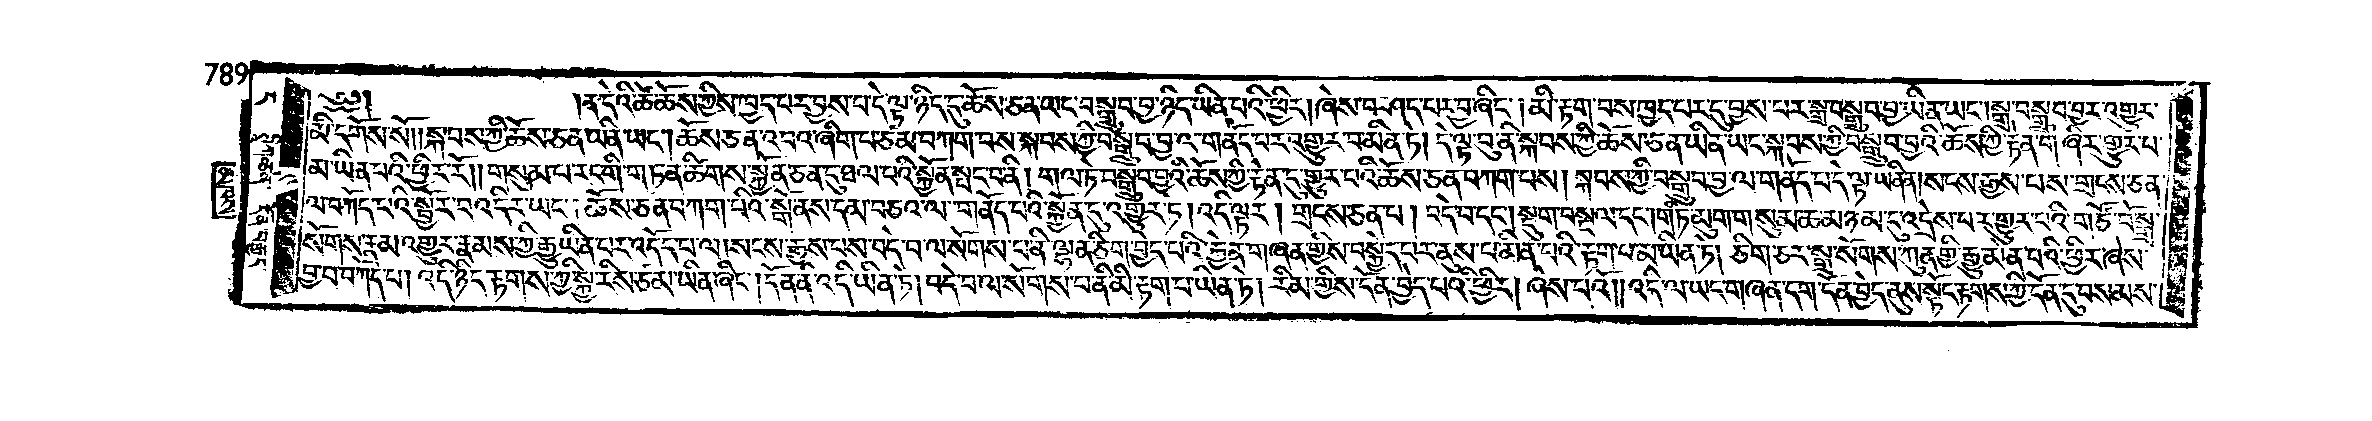༄༅། །ན་དེའི་ཚེ་ཆོས་ཀྱིས་ཁྱད་པར་བྱས་པ་དེ་ལྟ་ཉིད་དུ་ཆོས་ཅན་ཡང་བསྒྲུབ་བྱ་ཉིད་ཡིན་པའི་ཕྱིར། ཞེས་བཤད་པར་བྱ་ཞིང་། མི་རྟག་པས་ཁྱད་པར་དུ་བྱས་པར་སྒྲ་བསྒྲུབ་བྱ་ཡིན་ཡང་། སྒྲ་བསྒྲུབ་བྱར་འགྱུར་
མི་དགོས་སོ། །སྐབས་ཀྱི་ཆོས་ཅན་ཡིན་ཡང་། ཆོས་ཅན་འབའ་ཞིག་པ་ཙམ་བཀག་པས་སྐབས་ཀྱི་བསྒྲུབ་བྱའི་གནོད་པར་འགྱུར་བ་མིན་ཏེ། དེ་ལྟ་བུ་ནི་སྐབས་ཀྱི་ཆོས་ཅན་ཡིན་ཡང་སྐབས་ཀྱི་བསྒྲུབ་བྱའི་ཆོས་ཀྱི་རྟེན་གཞིར་གྱུར་བ་
མ་ཡིན་པའི་ཕྱིར་རོ། །གསུམ་པ་རང་གི་གཏན་ཚིགས་སྐྱོན་ཅན་དུ་ཐལ་བའི་སྐྱོན་སྤང་བ་ནི། གལ་ཏེ་བསྒྲུབ་བྱའི་ཆོས་ཀྱི་རྟེན་དུ་གྱུར་བའི་ཆོས་ཅན་བཀག་པས། སྐབས་ཀྱི་བསྒྲུབ་བྱ་ལ་གནོད་པ་དེ་ལྟ་ཡིན་ན། སངས་རྒྱས་པས་གྲངས་ཅན་
ལ་བཀོད་པའི་སྦྱོར་བ་འདིར་ཡང་། ཆོས་ཅན་བཀག་པའི་སྒོ་ནས་དམ་བཅའ་ལ་གནོད་པའི་སྐྱོན་དུ་འགྱུར་ཏེ། འདི་ལྟར། གྲངས་ཅན་པ། བདེ་བ་དང་། སྡུག་བསྔལ་དང་། གཏི་མུག་གསུམ་ཆ་མཉམ་དུ་འདྲེས་པར་གྱུར་བའི་གཙོ་བོ་སྒྲ་
སོགས་རྣམ་འགྱུར་རྣམས་ཀྱི་རྒྱུ་ཡིན་པར་འདོད་པ་ལ། སངས་རྒྱས་པས་བདེ་བ་ལ་སོགས་པ་ནི་ལྷན་ཅིག་བྱེད་པའི་རྐྱེན་གཞན་གྱིས་བསྐྱེད་པར་ནུས་པ་མིན་པའི་རྟག་པ་མ་ཡིན་ཏེ། ཅིག་ཅར་སྒྲ་སོགས་ཀུན་གྱི་རྒྱུ་མིན་པའི་ཕྱིར་ཞེས་
བྱ་བ་བཀོད་པ། འདི་ཉིད་རྟགས་ཀྱི་སྐྱ་རིས་ཙམ་ཡིན་ཞིང་། དོན་ནི་འདི་ཡིན་ཏེ། བདེ་བ་ལ་སོགས་པ་ནི་མི་རྟག་པ་ཡིན་ཏེ། རིམ་གྱིས་དོན་བྱེད་པའི་ཕྱིར། ཞེས་པའོ། །འདི་ལ་ཡང་གཞན་དག་དོན་བྱེད་ནུས་སྟོང་རྟགས་ཀྱི་དོན་དུ་བསམས་